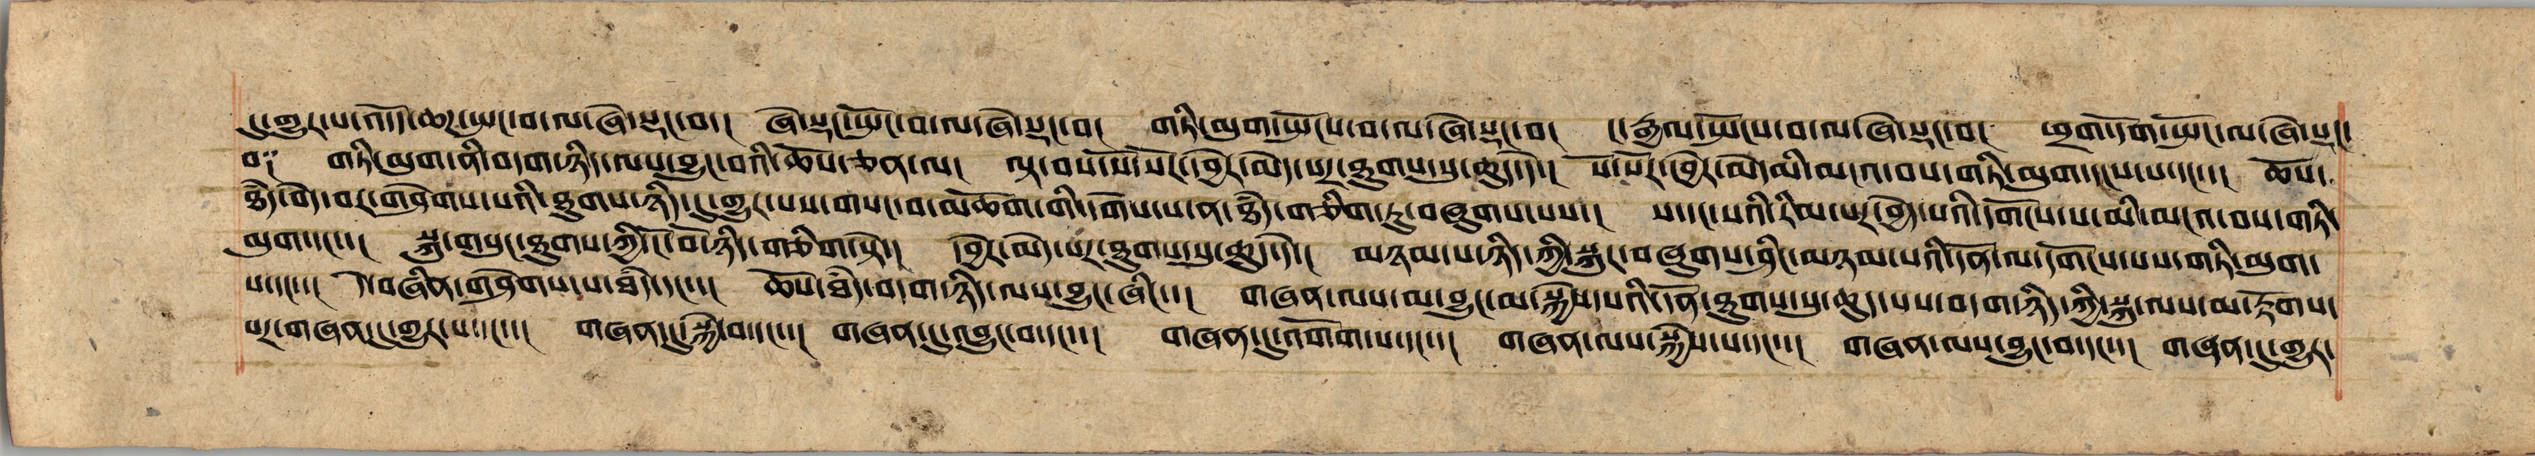དུ་གྱུར་པ་འདོད་ཆཌ་སྤང་བ་ལ་ཞེ་སྡང་བ་། ཞེ་སྡང་སྤོང་བ་ལ་ཞེ་སྡང་བ། གཏི་མུག་སྤོངས་བ་ལ་ཞེ་སྡང་བ། ང་རྒྱལ་སྤོངས་བ་ལ་ཞེ་སྡང་བ། ཕྲག་དོག་སྤོང་ལ་ཞེ་སྡང་
བ༑ གཏི་མུག་ནི་བདག་ཉིད་ལས་བྱུང་བའི་ཆོས་ཅན་ལ། ལྟ་བས་སོ་སོར་དབྱེར་མེད་པར་ཐུགས་སུ་ཆུད་དེ་། སོ་སོར་དབྱེར་མེད་མི་མངའ་བས་གཏི་མུག་།།།ས་པ་དང་་། ཆོས་
ཐཾད་བདེ་བར་གཤེགས་པའི་ཐུགས་ཉིད་དུ་གྱུར་པས་གསང་བ་མཆོག་གི་དགོས་པ་ན་ཐཾད་གཅིག་ཏུ་བཞུགས་པས་། ས་དང་སའི་རིམ་པར་བྱེད་པའི་དགོངས་པ་མི་མངའ་བས་གཏི་
མུག་དང་་། སྐུ་གསུང་ཐུགས་ཀྱི་ངོ་བོ་ཉིད་གཅིག་སྟེ་། དབྱེར་མེད་པར་ཐུགས་སུ་ཆུད་དེ་། མཉམ་པ་ཉིད་ཀྱི་སྐུར་བཞུགས་ཤིང་མཉམ་པའི་དོན་ལ་དགོངས་པས་གཏི་མུག་
པ་དང་་། དེ་བཞིན་གཤེགས་པ་ཐདཾ་དང་་། ཆོས་ཐཾད་བདག་ཉིད་ལས་བྱུང་ཞིང་། གཞན་ལས་མ་བྱུང་མ་སྐྱེས་པའི་དོན་ཐུགས་སུ་ཆུད་པས་བདག་ཉིད་ཀྱི་སྐུ་ལས་མ་རྟོགས་
པར་གཞན་དུ་གྱུར་པ་དང་་། གཞན་དུ་སྐྱེ་བ་དང་་། གཞན་དུ་འབྱུང་བ་དང་་། གཞན་དུ་འགོགས་པ་དང་་། གཞན་ལས་སྐྱེས་པ་དང་་། གཞན་ལས་བྱུང་བ་དང་་། གཞན་དུ་གྱུར་